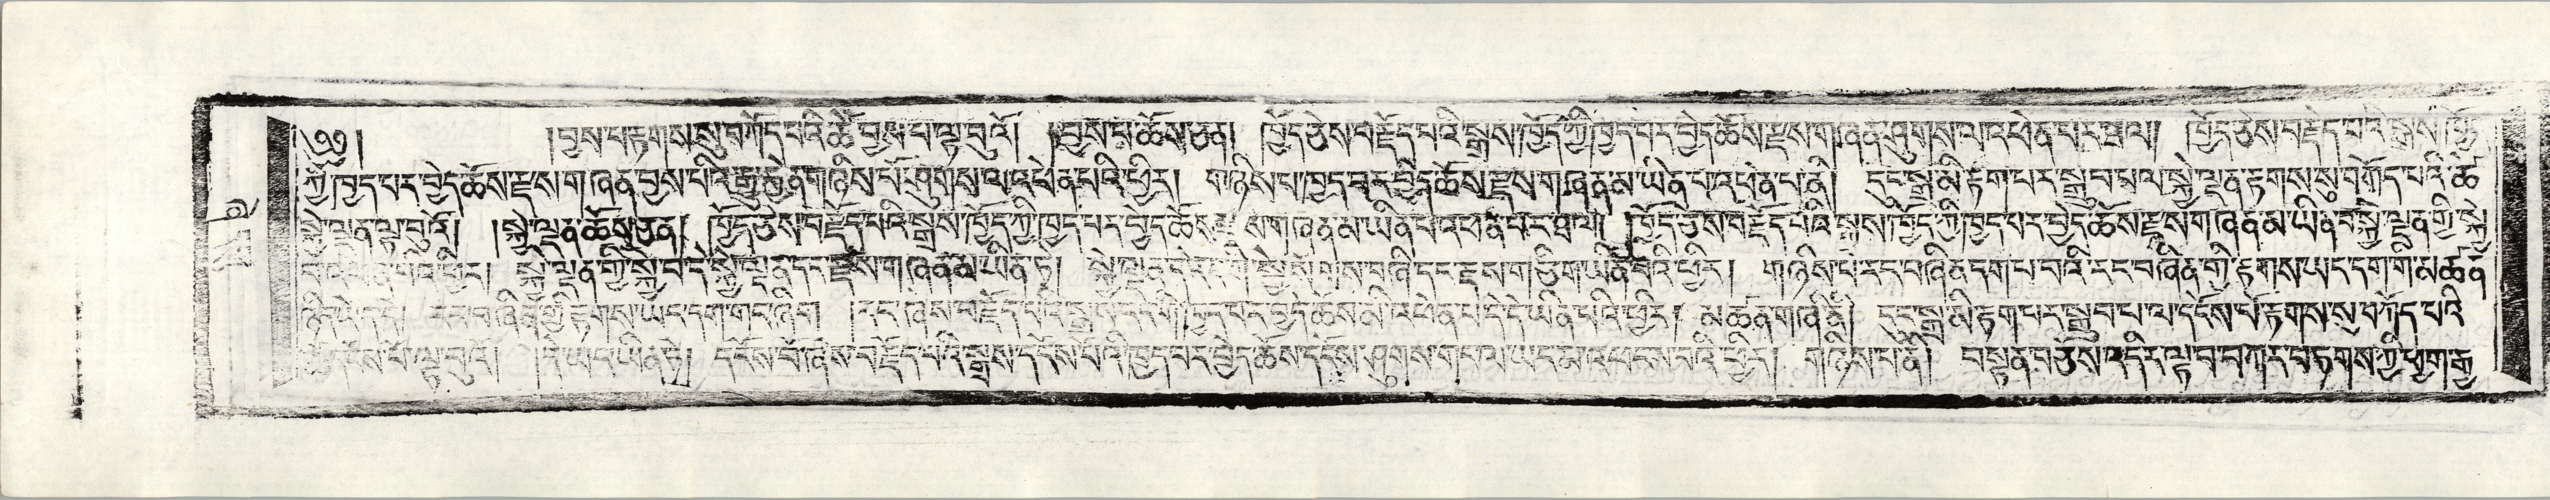༄༅། །བྱས་པ་རྟགས་སུ་བཀོད་པའི་ཚེ་བྱས་པ་ལྟ་བུའོ། །བྱས་པ་ཆོས་ཅན། ཁྱོད་ཅེས་བརྗོད་པའི་སྒྲས་ཁྱོད་ཀྱི་ཁྱད་པར་བྱེད་ཆོས་རྫས་གཞན་ཤུགས་ལ་འཕེན་པར་ཐལ། ཁྱོད་ཅེས་བརྗོད་པའི་སྒྲས་ཁྱོད་
ཀྱི་ཁྱད་པར་བྱེད་ཆོས་རྫས་གཞན་བྱས་པའི་རྒྱུ་རྐྱེན་གཉིས་པོ་ཤུགས་ལ་འཕེན་པའི་ཕྱིར། གཉིས་པ་ཁྱད་པར་བྱེད་ཆོས་རྫས་གཞན་མ་ཡིན་པ་འཕེན་པ་ནི། དུང་སྒྲ་མི་རྟག་པར་སྒྲུབ་པ་ལ་སྐྱེ་ལྡན་རྟགས་སུ་བཀོད་པའི་ཚེ་
སྐྱེ་ལྡན་ལྟ་བུའོ། །སྐྱེ་ལྡན་ཆོས་ཅན། ཁྱོད་ཅེས་བརྗོད་པའི་སྒྲས་ཁྱོད་ཀྱི་ཁྱད་པར་བྱེད་ཆོས་རྫས་གཞན་མ་ཡིན་པ་འཕེན་པར་ཐལ། ཁྱོད་ཅེས་བརྗོད་པའི་སྒྲས་ཁྱོད་ཀྱི་ཁྱད་པར་བྱེད་ཆོས་རྫས་གཞན་མ་ཡིན་པ་སྐྱེ་ལྡན་གྱི་སྐྱེ་
བ་འཕེན་པའི་ཕྱིར། སྐྱེ་ལྡན་གྱི་སྐྱེ་བ་དེ་སྐྱེ་ལྡན་དང་རྫས་གཞན་མ་ཡིན་ཏེ། སྐྱེ་ལྡན་དེ་རང་གི་སྐྱེ་སོགས་བཞི་དང་རྫས་གཅིག་ཡིན་པའི་ཕྱིར། གཉིས་པ་རང་བཞིན་དག་པ་བའི་རང་བཞིན་གྱི་རྟགས་ཡང་དག་གི་མཚན་
ཉིད་ཡོད་དེ། རང་བཞིན་གྱི་རྟགས་ཡང་དག་གང་ཞིག །རང་ཞེས་བརྗོད་པའི་སྒྲས་རང་གི་ཁྱད་པར་བྱེད་ཆོས་མི་འཕེན་པ་དེ་དེ་ཡིན་པའི་ཕྱིར། མཚན་གཞི་ནི། དུང་སྒྲ་མི་རྟག་པར་སྒྲུབ་པ་ལ་དངོས་པོ་རྟགས་སུ་བཀོད་པའི་
ཚེ་དངོས་པོ་ལྟ་བུའོ། །དེ་ཡང་ཡིན་ཏེ། དངོས་པོ་ཞེས་བརྗོད་པའི་སྒྲས་དངོས་པོའི་ཁྱད་པར་བྱེད་ཆོས་དངོས་ཤུགས་གང་ལ་ཡང་མ་འཕངས་པའི་ཕྱིར། གཉིས་པ་ནི། བསྟན་བཅོས་འདིར་ལྟ་བ་བཀར་བཏགས་ཀྱི་ཕྱག་རྒྱ་